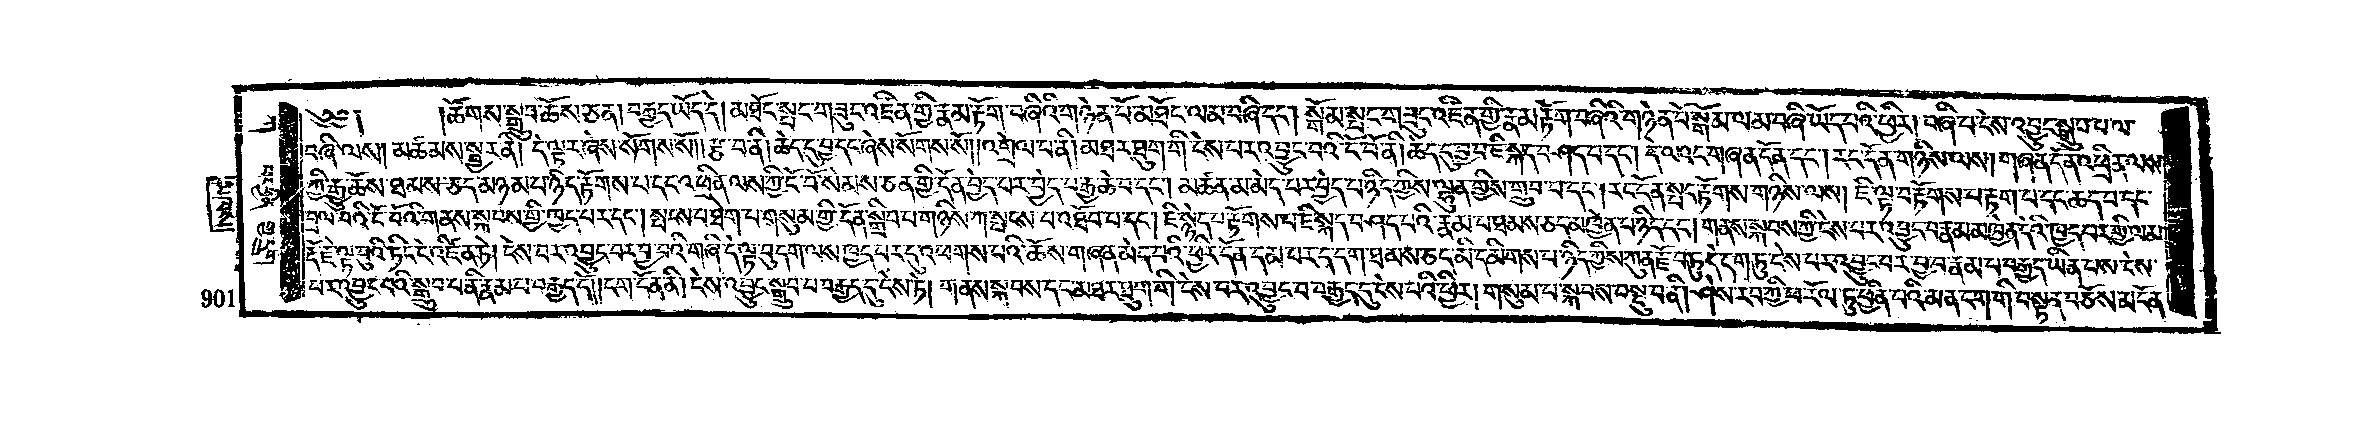༄༅། །ཚོགས་སྒྲུབ་ཆོས་ཅན། བརྒྱད་ཡོད་དེ། མཐོང་སྤང་གཟུང་འཛིན་གྱི་རྣམ་རྟོག་བཞིའི་གཉེན་པོ་མཐོང་ལམ་བཞི་དང་། སྒོམ་སྤང་གཟུང་འཛིན་གྱི་རྣམ་རྟོག་བཞིའི་གཉེན་པོ་སྒོམ་ལམ་བཞི་ཡོད་པའི་ཕྱིར། བཞི་པ་ངེས་འབྱུང་སྒྲུབ་པ་ལ་
བཞི་ལས། མཚམས་སྦྱར་ནི། དེ་ལྟར་ཞེས་སོགས་སོ། །རྩ་བ་ནི། ཆེད་དུ་བྱ་དང་ཞེས་སོགས་སོ། །འགྲེལ་པ་ནི། མཐར་ཐུག་གི་ངེས་པར་འབྱུང་བའི་ངོ་བོ་ནི། ཆེད་དུ་བྱ་བ་ཇི་སྐད་བཤད་པ་དང་། དེ་ལའང་གཞན་དོན་དང་། རང་དོན་གཉིས་ལས། གཞན་དོན་འཕྲིན་ལས་
ཀྱི་རྒྱུ་ཆོས་ཐམས་ཅད་མཉམ་པ་ཉིད་རྟོགས་པ་དང་འཕྲིན་ལས་ཀྱི་ངོ་བོ་སེམས་ཅན་གྱི་དོན་བྱེད་པར་བྱེད་པ་རྒྱ་ཆེ་བ་དང་། མཚན་མ་མེད་པར་བྱེད་པ་ཉིད་ཀྱིས་ལྷུན་གྱིས་གྲུབ་པ་དང་། རང་དོན་སྤང་རྟོགས་གཉིས་ལས། ཇི་ལྟ་བ་རྟོགས་པ་རྟག་པ་དང་ཆད་པ་དང་
བྲལ་བའི་ངོ་བོའི་གནས་སྐབས་གྱི་ཁྱད་པར་དང་། སྤངས་པ་ཐེག་པ་གསུམ་གྱི་དོན་སྒྲིབ་པ་གཉིས་ཀ་སྤངས་པ་འཐོབ་པ་དང་། ཇི་སྙེད་པ་རྟོགས་པ་ཇི་སྐད་བཤད་པའི་རྣམ་པ་ཐམས་ཅད་མཁྱེན་པ་ཉིད་དང་། གནས་སྐབས་ཀྱི་ངེས་པར་འབྱུང་བ་རྣམ་མཁྱེན་དེའི་ཁྱད་པར་གྱི་ལམ་
རྡོ་རྗེ་ལྟ་བུའི་ཏིང་ངེ་འཛིན་ཏེ། ངེས་པར་འབྱུང་བར་བྱ་བའི་གཞི་དེ་ལྟ་བུ་དག་ལས་ཁྱད་པར་དུ་འཕགས་པའི་ཆོས་གཞན་མེད་པའི་ཕྱིར་དོན་དམ་པར་དེ་དག་ཐམས་ཅད་མི་དམིགས་པ་ཉིད་ཀྱིས་ཀུན་རྫོབ་ཏུ་དེ་དག་ཏུ་ངེས་པར་འབྱུང་བར་བྱ་བ་རྣམ་པ་བརྒྱད་ཡིན་པས་ངེས་
པར་འབྱུང་བའི་སྒྲུབ་པ་ནི་རྣམ་པ་བརྒྱད་དོ། །ངག་དོན་ནི། ངེས་འབྱུང་སྒྲུབ་པ་བརྒྱད་དུ་ངེས་ཏེ། གནས་སྐབས་དང་མཐར་ཐུག་གི་ངེས་པར་འབྱུང་བ་བརྒྱད་དུ་ངེས་པའི་ཕྱིར། གསུམ་པ་སྐབས་བསྡུ་བ་ནི། ཤེས་རབ་ཀྱི་ཕ་རོལ་ཏུ་ཕྱིན་པའི་མན་ངག་གི་བསྟན་བཅོས་མངོན་